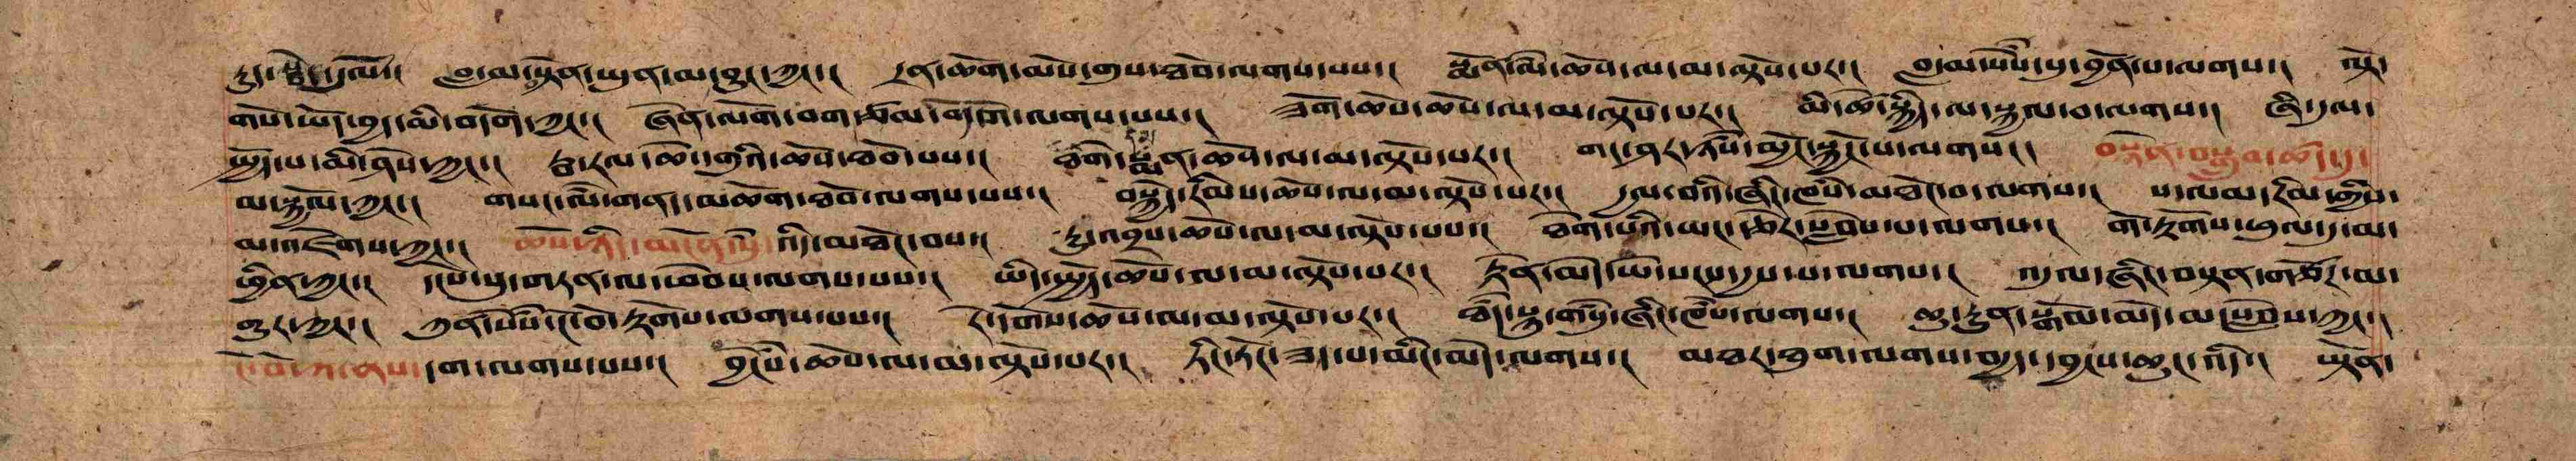རྒྱུད་སྦེད་དུ་གསོལ།། བླ་མ་བསྟེན་ཡུན་མ་བྱུང་ཀྱང་།། དྲན་ཆོག་མོས་གུས་ཐོབ་ལགས་པས།། སྨོན་ལམ་ཆོས་ལ་མ་ལྟོས་པར།། བླ་མ་སེམས་སུ་བྱོན་པ་ལགས།། ལྟོ་
གོས་ཡོ་བྱད་མི་བདོག་ཀྱང་།། ཞེན་ལོག་བག་ཙམ་བདོག་ལགས་པས།། ཟོག་ཆོས་ཆོས་ལ་མ་ལྟོས་པར།། མི་ཚེ་སྐྱིད་ལ་བསྐྱལ་བ་ལགས།། ཞི་དུལ་
སྤྱོད་པ་མི་ཤེས་ཀྱང་།། རྦ་རལ་ཆོ་དགུའི་ཆོས་ཐོབ་པས།། ཐིག་ལེ་དམན་ཆོས་ལ་མ་ལྟོས་པར།། གང་ཤར་ཉམས་མྱོང་སྐྱོང་བ་ལགས།། བསྙེན་བསྒྲུབ་ཚད་དུ་
མ་སྐྱོལ་ཀྱང་།། གསང་བ་ལམ་གནད་མཆོག་ཐོབ་ལགས་པས།། བསྐྱེད་རིམ་ཆོས་ལ་མ་ལྟོས་པར།། རྒྱལ་བའི་ཞིང་ཁམས་མཐོང་བ་ལགས།། ས་ལམ་རིམ་གྱིས་
མ་འཛེགས་ཀྱང་།། ཆོས་ཉིད་མངོན་སུམ་འདི་མཐོང་བས།། རྒྱུ་འབྲས་ཆོས་ལ་མ་ལྟོས་པས།། ཐེག་པའི་ཡང་རྩེར་སླེབས་པ་ལགས།། གོ་རྟོགས་ཕུལ་དུ་མ་
ཕྱིན་ཀྱང་།། དངོས་སུ་གཏན་ལ་ཕེབས་ལགས་པས།། ཡིད་དཔྱོད་ཆོས་ལ་མ་ལྟོས་པར།། རྟེན་མེད་ཡེ་སངས་རྒྱས་པ་ལགས།། འདུལ་ཞིང་བསྟན་གཙོར་མ་
གྱུར་ཀྱང་།། ཀུན་སེམས་ངོ་བོ་རྟོགས་ལགས་པས།། རེ་དོགས་ཆོས་ལ་མ་ལྟོས་པར།། ཐམས་ཅད་སྐུ་གསུམ་ཞིང་ཁམས་ལགས།། ཆུ་རྒྱུན་སྒོམ་མེད་མ་སླེབས་ཀྱང་།། 
ངོ་བོ་ཀ་ནས་དག་ལགས་པས།། བྱང་སེམས་ཆོས་ལ་མ་ལྟོས་པར།། ཏིང་ཏོང་ཟད་པ་མིང་མེད་ལགས།། མཐར་ཐུག་ལགས་བརྒྱད་དབྱངས་ཆུང་འདི།། ཡོན་ཏན་